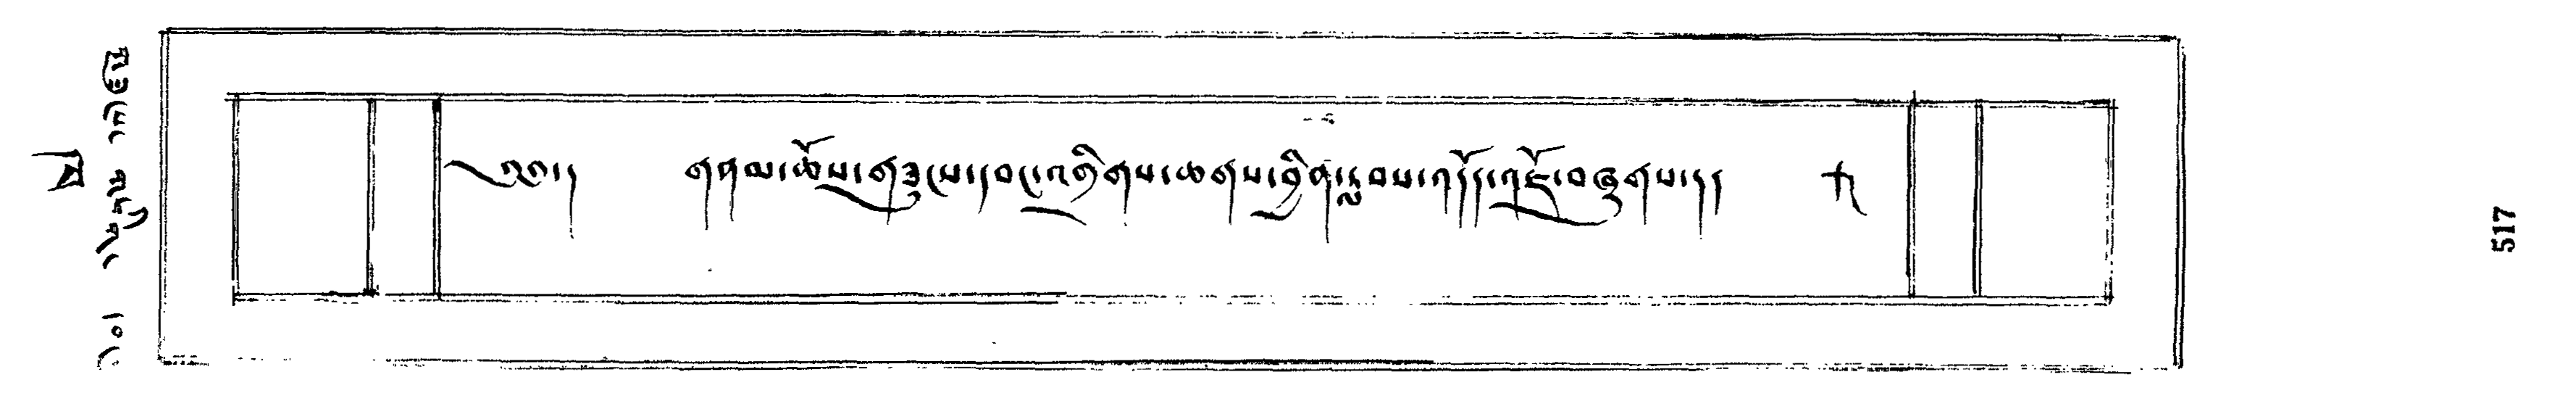གནམ་ཆོས་གཟུངས་དབང་འགྲིགས་ཆགས་བྱིན་རླབས་འདོད་འཇོ་བཞུགས།།